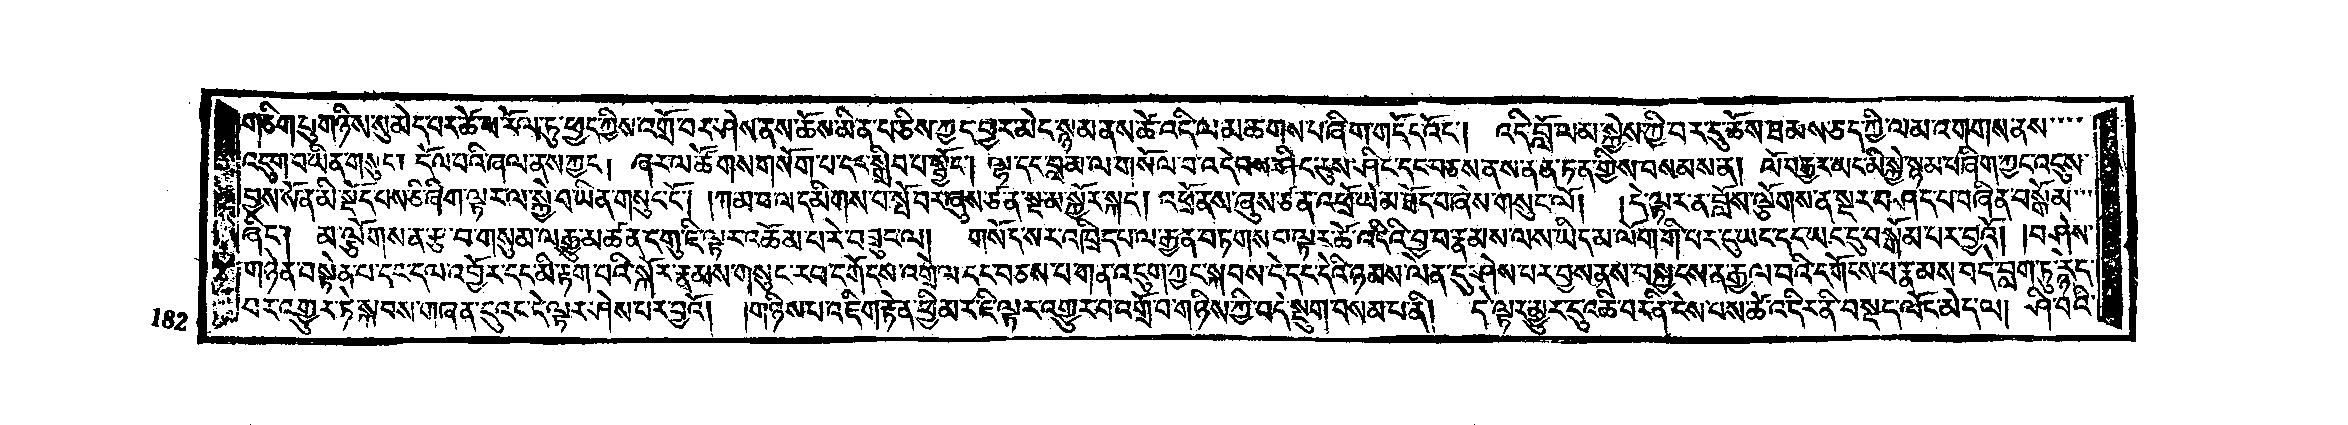གཅིག་པུ་གཉིས་སུ་མེད་པར་ཚེ་ཕ་རོལ་ཏུ་ཕྱད་ཀྱིས་འགྲོ་བར་ཤེས་ནས་ཆོས་མིན་པ་ཅིས་ཀྱང་བྱར་མེད་སྙམ་ནས་ཚེ་འདི་ལ་མ་ཆགས་པ་ཞིག་གདོད་འོང་། འདི་བློ་ལམ་སྐྱེས་ཀྱི་བར་དུ་ཆོས་ཐམས་ཅད་ཀྱི་ལམ་འགགས་ནས་
འདུག་བ་ཡིན་གསུང་། དོལ་པའི་ཞལ་ནས་ཀྱང་། ཞར་ལ་ཚོགས་གསོག་པ་དང་སྒྲིབ་པ་སྦྱོང་། ལྷ་དང་བླ་མ་ལ་གསོལ་བ་འདེབས་ཤིང་རུས་ཤིང་དང་བཅས་ནས་ནན་ཏན་གྱིས་བསམས་ན། ལོ་བརྒྱར་ཡང་མི་སྐྱེ་སྙམ་པ་ཞིག་ཀྱང་འདུས་
བྱས་སོ་ན་མི་སྡོད་པས་ཅི་ཞིག་ལྟར་ལ་སྐྱེ་བ་ཡིན་གསུང་ངོ། །ཀ་མ་བ་ལ་དམིགས་པ་སྤོ་བར་ཞུས་ཙན་སྔ་མ་སྐྱོར་སྐད། འཕྲོ་ནས་ཞུས་ཙན་འཕྲོ་ཡེ་མ་ཐོད་པ་ཞེས་གསུང་ལོ། །དེ་ལྟར་ན་བློས་ལྕོགས་ན་སྔར་བཤད་པ་བཞིན་བསྒོམ་
ཞིང༑ མ་ལྕོགས་ན་རྩ་བ་གསུམ་ལ་རྒྱུ་མཚན་དགུ་ཇི་ལྟར་འཚམ་པ་རེ་བཟུང་ལ། གསོད་སར་འཁྲིད་པ་ལ་རྒྱན་བཏགས་པ་ལྟར་ཚེ་འདིའི་བྱ་བ་རྣམས་ལས་ཡིད་མ་ལོག་གི་བར་དུ་ཡང་དང་ཡང་དུ་བསྒོམ་པར་བྱའོ། །བཤེས་
གཉེན་བསྟེན་པ་དང་དལ་འབྱོར་དང་མི་རྟག་བའི་སྐོར་རྣམས་གསུང་རབ་དགོངས་འགྲེལ་དང་བཅས་པ་ག་ན་འདུག་ཀྱང་སྐབས་དེ་དང་དེའི་ཉམས་ལེན་དུ་ཤེས་པར་བྱས་ནས་བསྐྱངས་ན་རྒྱལ་བའི་དགོངས་པ་རྣམས་བདེ་བླག་ཏུ་རྙེད་
པར་འགྱུར་ཏེ་སྐབས་གཞན་དུ་འང་དེ་ལྟར་ཤེས་པར་བྱའོ། །གཉིས་པ་འཇིག་རྟེན་ཕྱི་མར་ཇི་ལྟར་འགྱུར་བ་འགྲོ་བ་གཉིས་ཀྱི་བདེ་སྡུག་བསམ་པ་ནི། དེ་ལྟར་མྱུར་དུ་འཆི་བར་ནི་ངེས་པས་ཚེ་འདིར་ནི་བསྡད་ལོང་མེད་ལ། ཤི་བའི་